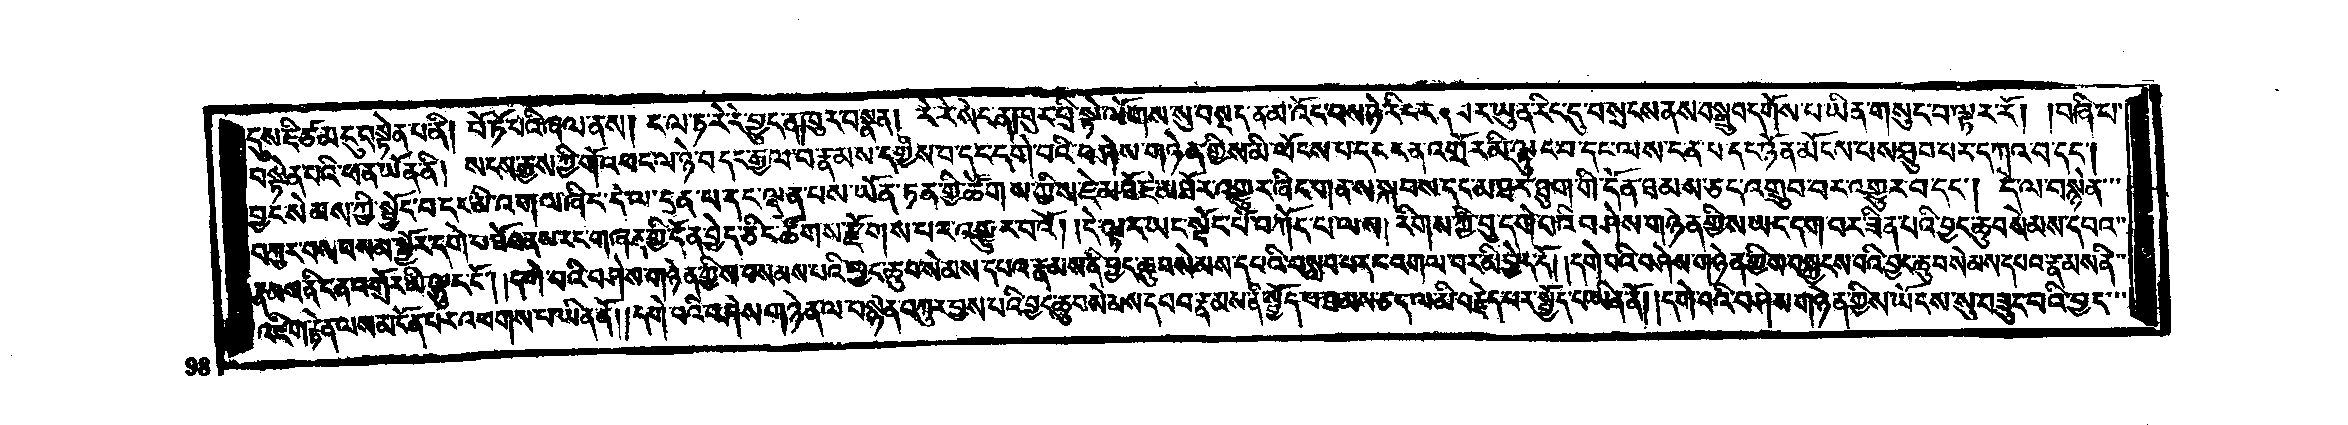དུས་ཇི་ཙམ་དུ་བསྟེན་པ་ནི། པོ་ཏོ་བའི་ཞལ་ནས། ང་ལ་ཏ་རེ་རེ་བྱུང་ན་ཁུར་བསྣན། རེ་རེ་སོང་ན་ཁུར་བྲི་སྟེ་ལོགས་སུ་བསྡད་ན་མི་འོང་བས་ཉེ་རིང་རན་པར་ཡུན་རིང་དུ་བསྲིངས་ནས་བསྒྲུབ་དགོས་པ་ཡིན་གསུང་བ་ལྟར་རོ། །བཞི་པ་
བསྟེན་པའི་ཕན་ཡོན་ནི། སངས་རྒྱས་ཀྱི་གོ་འཕང་ལ་ཉེ་བ་དང་རྒྱལ་བ་རྣམས་དགྱེས་པ་དང་དགེ་བའི་བཤེས་གཉེན་གྱིས་མི་ཕོངས་པ་དང་ངན་འགྲོར་མི་ལྟུང་བ་དང་ལས་ངན་པ་དང་ཉོན་མོངས་པས་ཐུབ་པར་དཀའ་བ་དང་།
བྱང་སེམས་ཀྱི་སྤྱོད་པ་དང་མི་འགལ་ཞིང་དེ་ལ་དྲན་པ་དང་ལྡན་པས་ཡོན་ཏན་གྱི་ཚོགས་ཀྱིས་ཇེ་མཐོ་ཇེ་མཐོར་འགྱུར་ཞིང་གནས་སྐབས་དང་མཐར་ཐུག་གི་དོན་ཐམས་ཅད་འགྲུབ་པར་འགྱུར་བ་དང་། དེ་ལ་བསྙེན་
བཀུར་བས་བསམ་སྦྱོར་དགེ་བ་ཐོབ་ནས་རང་གཞན་གྱི་དོན་བྱེད་ཅིང་ཚོགས་རྫོགས་པར་འགྱུར་བའོ། །དེ་ལྟར་ཡང་སྡོང་པོ་བཀོད་པ་ལས། རིགས་ཀྱི་བུ་དགེ་བའི་བཤེས་གཉེན་གྱིས་ཡང་དག་པར་ཟིན་པའི་བྱང་ཆུབ་སེམས་དཔའ་
རྣམས་ནི་ངན་འགྲོར་མི་ལྟུང་ངོ། །དགེ་བའི་བཤེས་གཉེན་གྱིས་བསམས་པའི་བྱང་ཆུབ་སེམས་དཔའ་རྣམས་ནི་བྱང་ཆུབ་སེམས་དཔའི་བསླབ་པ་དང་འགལ་བར་མི་བྱེད་དོ། །དགེ་བའི་བཤེས་གཉེན་གྱིས་བསྐྱངས་བའི་བྱང་ཆུབ་སེམས་དཔའ་རྣམས་ནི་
འཇིག་རྟེན་ལས་མངོན་པར་འཕགས་པ་ཡིན་ནོ། །དགེ་བའི་བཤེས་གཉེན་ལ་བསྙེན་བཀུར་བྱས་པའི་བྱང་ཆུབ་སེམས་དཔའ་རྣམས་ནི་སྤྱོད་པ་ཐམས་ཅད་ལ་མི་བརྗེད་པར་སྤྱོད་པ་ཡིན་ནོ། །དགེ་བའི་བཤེས་གཉེན་གྱིས་ཡོངས་སུ་བཟུང་བའི་བྱང་